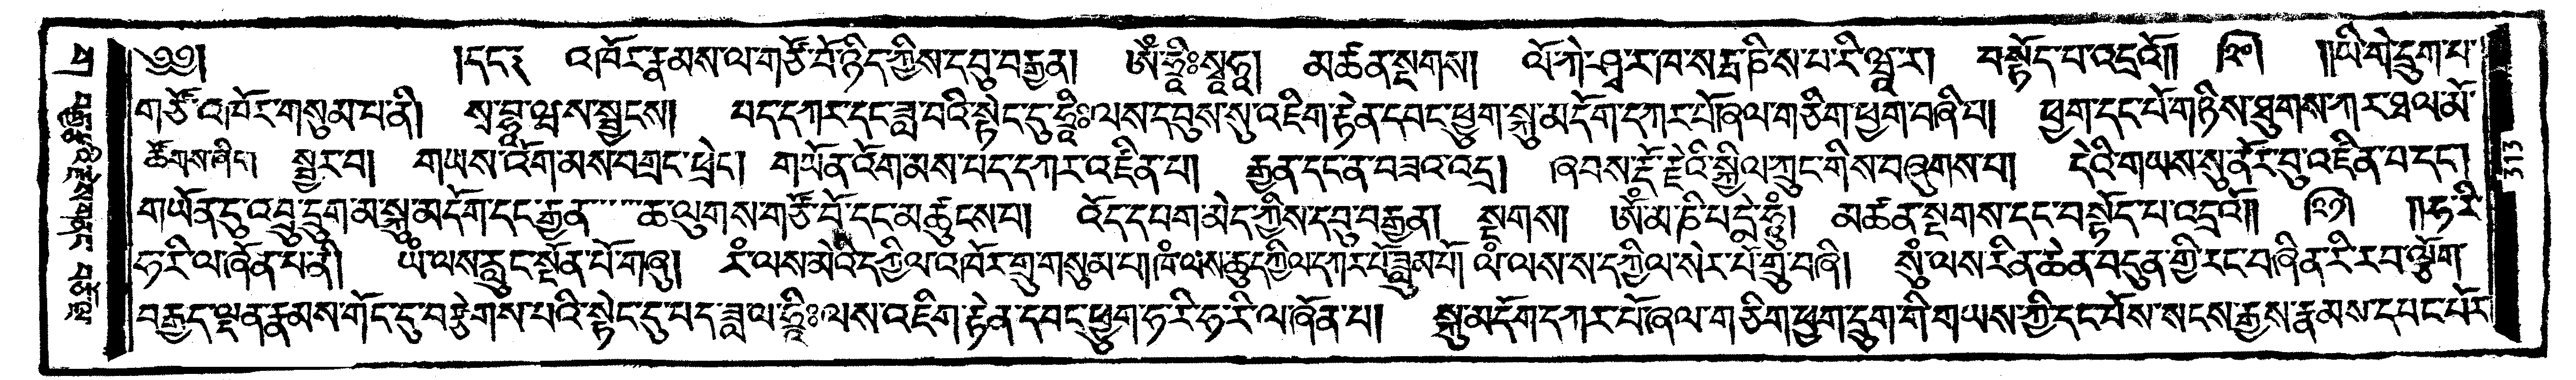༄༅། །དང༑ འཁོར་རྣམས་ལ་གཙོ་བོ་ཉིད་ཀྱིས་དབུ་བརྒྱན། ཨོཾ་ཧྲཱིཿསྭཱཧཱ། མཚན་སྔགས། ལོ་ཀེ་ཤྭ་ར་ཁ་སརྦ་ཎི་ས་པ་རི་ཝཱ་ར། བསྟོད་པ་འདྲའོ།། ༢༠?་།།ཡི་གེ་དྲུག་པ་
གཙོ་འཁོར་གསུམ་པ་ནི། སྭ་བྷཱ་ཝས་སྦྱངས། པད་དཀར་དང་ཟླ་བའི་སྟེང་དུ་ཧྲཱིཿལས་དབུས་སུ་འཇིག་རྟེན་དབང་ཕྱུག་སྐུ་མདོག་དཀར་པོ་ཞལ་གཅིག་ཕྱག་བཞི་པ། ཕྱག་དང་པོ་གཉིས་ཐུགས་ཀར་ཐལ་མོ་
ཚོགས་ཞིང་། སྦྱར་བ། གཡས་འོག་མས་བགྲང་ཕྲེང་། གཡོན་འོག་མས་པད་དཀར་འཛིན་པ། རྒྱན་དང་ན་བཟའ་འདྲ། ཞབས་རྡོ་རྗེའི་སྐྱིལ་ཀྲུང་གིས་བཞུགས་པ། དེའི་གཡས་སུ་ནོར་བུ་འཛིན་པ་དང་།
གཡོན་དུ་འབྲུ་དྲུག་མ་སྐུ་མདོག་དང་རྒྱན་ཆ་ལུགས་གཙོ་བོ་དང་མཚུངས་བ། འོད་དཔག་མེད་ཀྱིས་དབུ་བརྒྱན། སྔགས། ཨོཾ་མ་ཎི་པདམེ་ཧཱུཾ། མཚན་སྔགས་དང་བསྟོད་པ་འདྲའོ།། ༢༡?་།།ཧ་རི་
ཧ་རི་ལ་ཞོན་པ་ནི། ཡཾ་ལས་རླུང་སྔོན་པོ་གཞུ། རཾ་ལས་མེའི་དཀྱིལ་འཁོར་གྲུ་གསུམ་པ། ཁཾ་ལས་ཆུ་དཀྱིལ་དཀར་པོ་ཟླུམ་པོ། ལཾ་ལས་ས་དཀྱིལ་སེར་པོ་གྲུ་བཞི། སུཾ་ལས་རིན་ཆེན་བདུན་གྱི་རང་བཞིན་རི་རབ་ལྕོག་
བརྒྱད་ལྡན་རྣམས་གོང་དུ་བརྩེགས་པའི་སྟེང་དུ་པད་ཟླ་ལ་ཧྲཱིཿལས་འཇིག་རྟེན་དབང་ཕྱུག་ཧ་རི་ཧ་རི་ལ་ཞོན་པ། སྐུ་མདོག་དཀར་པོ་ཞལ་གཅིག་ཕྱག་དྲུག་གི་གཡས་ཀྱི་དང་པོས་སངས་རྒྱས་རྣམས་དཔང་པོར་